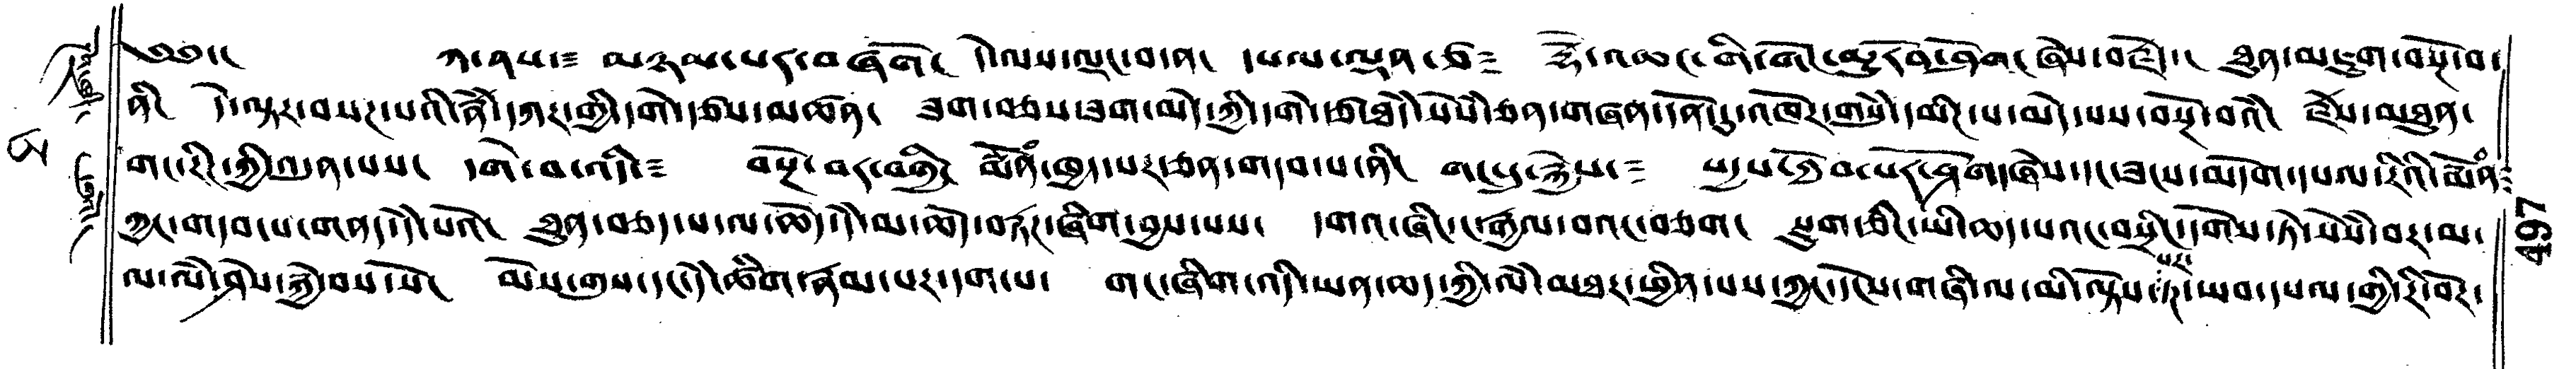ཀ་ནས༴ མཉམ་པར་གཞག་གོ དེ་ལས་ལྡང་བ་ན། དཔལ་ལྡན༴ རྡོ་རྗེ་འཆང་གི་གོང་འཕང་མྱུར་འཐོབ་ཤོག ཅེས་བརྗོད། ཐུན་མཇུག་བསྔོ་བ་
ནི། དེ་ལྟར་བསགས་པའི་རྣམ་དཀར་གྱི་དགེ་རྩས་མཚོན་ཟག་བཅས་ཟག་མེད་ཀྱི་དགེ་རྩ་ཐམས་ཅད་སེམས་ཅན་གཞན་དོན་དུ་འཁོར་གསུམ་དམིགས་པ་མེད་པས་བསྔོ་བའམ། རྗེས་མཐུན་
གང་རིགས་ཀྱི་འདུན་པས། དགེ་བ་འདི༴ བསྔོ་བར་བགྱི། སྨོན་ལམ་ཁྱད་པར་ཅན་གདབ་པ་ནི། གང་དུ་སྐྱེས༴ སངས་རྒྱས་ཐོབ་པར་ཤོག ཅེས་དང་ཟངས་མདོག་དཔལ་རིའི་སྨོན་ལམ་
ཀྱང་གདབ་པ་གནད་དམ་པའོ། ཐུན་བཅད་པ་ལ་ཆོད་དམ་མ་ཆོད་བརྟག་གཞིག་བྱས་པས། དགའ་ཞིང་ང་རྒྱལ་བའང་བཅག སྡུག་ཅིང་ཡི་ཆད་པའང་བསྲིང་དགོས་ཏེ་སེམས་བར་མ་
ལ་ལམ་ཤེས་སྐྱེ་བས་སོ།མོས་གུས་དང་དམ་ཚིག་རྣམ་པར་དག་པ། གང་ཞིག་འདི་ཡན་ཆད་ཀྱི་ལམ་མཐར་ཕྱིན་པས་ཀྱང་དངོས་གཞི་ལ་མི་ལྟོས་པར་རྔ་ཡབ་དཔལ་གྱི་རི་བོར་